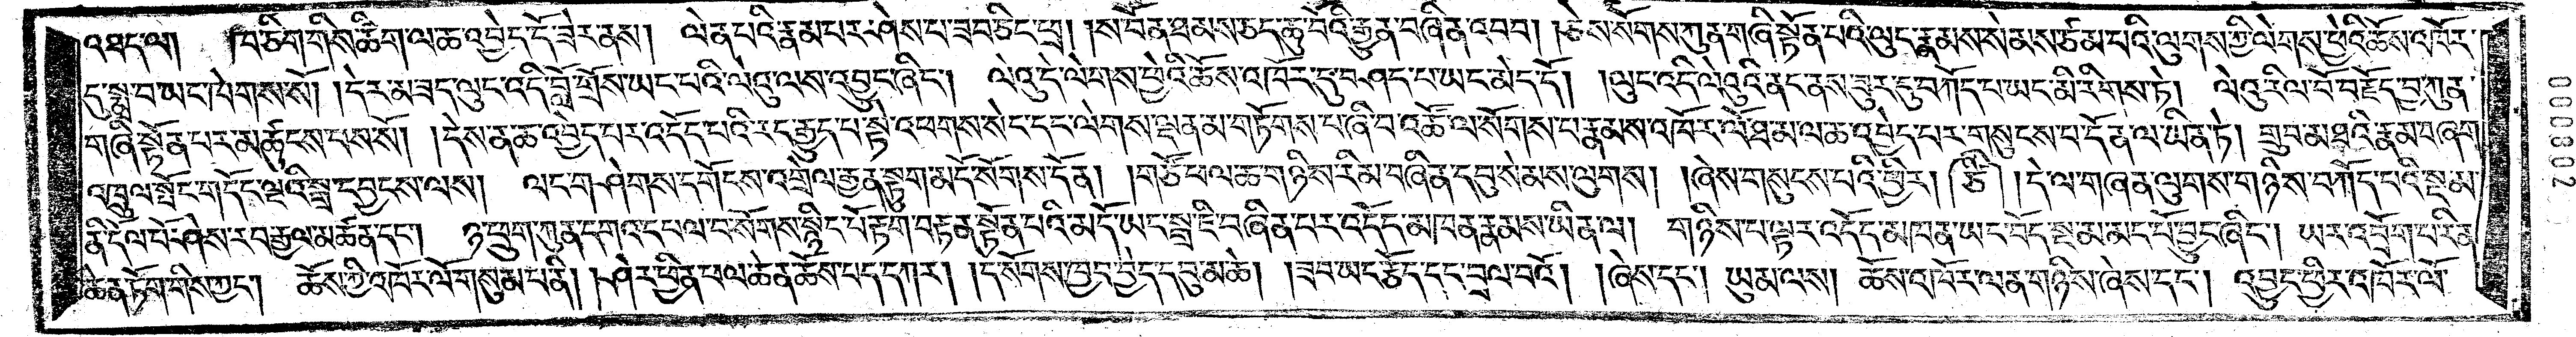འཐད་ལ། ཁ་ཅིག་གིས་ཚིག་ལ་ཆ་འབྱེད་དོ་ཟེར་ནས། ལེན་པའི་རྣམ་པར་ཤེས་པ་ཟབ་ཅིང་ཕྲ། །ས་བོན་ཐམས་ཅད་ཆུ་བོའི་རྒྱུན་བཞིན་འབབ། །ཅེས་སོགས་ཀུན་གཞི་སྟོན་པའི་ལུང་རྣམས་སེམས་ཙམ་པའི་ལུགས་ཀྱི་ལེགས་ཕྱེའི་ཆོས་འཁོར་
དུ་སྨྲ་བ་ཡང་ཁེགས་སོ། །དེར་མ་ཟད་ལུང་འདི་བློ་གྲོས་ཡངས་པའི་ལེའུ་ལས་འབྱུང་ཞིང་། ལེའུ་དེ་ལེགས་ཕྱེའི་ཆོས་འཁོར་དུ་བཤད་པ་ཡང་མེད་དོ། །ལུང་འདི་ལེའུའི་ནང་ནས་ཟུར་དུ་བཀོད་པ་ཡང་མི་རིགས་ཏེ། ལེའུ་རིལ་པོ་བརྗོད་བྱ་ཀུན་
གཞི་སྟོན་པར་མཚུངས་པས་སོ། །དེས་ན་ཆ་འབྱེད་པར་འདོད་པའི་རང་རྒྱུད་པ་སྟེ་འཕགས་སེང་དང་ལེགས་ལྡན་མ་གཏོགས་པ་ཞི་བ་འཚོ་ལ་སོགས་པ་རྣམས་འཁོར་ལོ་ཐ་མ་ལ་ཆ་འབྱེད་པར་གསུངས་པ་དོན་ལ་ཡིན་ཏེ། གྲུབ་མཐའི་རྣམ་བཞག་
འཁྲུལ་སྤོང་གདོང་ལྔའི་སྒྲ་དབྱངས་ལས། ལང་གཤེགས་དགོངས་འགྲེལ་རྒྱན་སྟུག་མདོ་སོགས་དོན། །གཙོ་ཕལ་ཆ་གཉིས་རིམ་བཞིན་དབུ་སེམས་ལུགས། །ཞེས་གསུངས་པའི་ཕྱིར། ༼ཙི༽ །དེ་ལ་གཞན་ལུགས་གཉིས་བཀོད་པའི་སྔ་མ་
ནི་དོལ་པོ་ཤེས་རབ་རྒྱལ་མཚན་དང་། ཉ་ཕྲུག་ཀུན་དགའ་དཔལ་བ་སོགས་སྙིང་པོ་རྟག་བརྟན་སྟོན་པའི་མདོ་ཡང་སྒྲ་ཇི་བཞིན་པར་འདོད་མཁན་རྣམས་ཡིན་ལ། གཉིས་པ་ལྟར་འདོད་མཁན་ཡང་བོད་སྔ་མ་མང་པོ་བྱུང་ཞིང་། ཡར་འབྲོག་པ་རིན་
ཆེན་ཏོག་གིས་ཀྱང་། ཆོས་ཀྱི་འཁོར་ལོ་གསུམ་པ་ནི། །ཤེར་ཕྱིན་ཕལ་ཆེན་ཆོས་པད་དཀར། །དེ་སོགས་ཁྱབ་བྱེད་དབུ་མ་ཆེ། །ཟབ་ཡང་རྩོད་དང་བྲལ་བའོ། །ཞེས་དང་། ཡུམ་ལས། ཆོས་འཁོར་ལན་གཉིས་ཞེས་དང་། འབྱུང་ཕྱིར་འཁོར་ལོ་